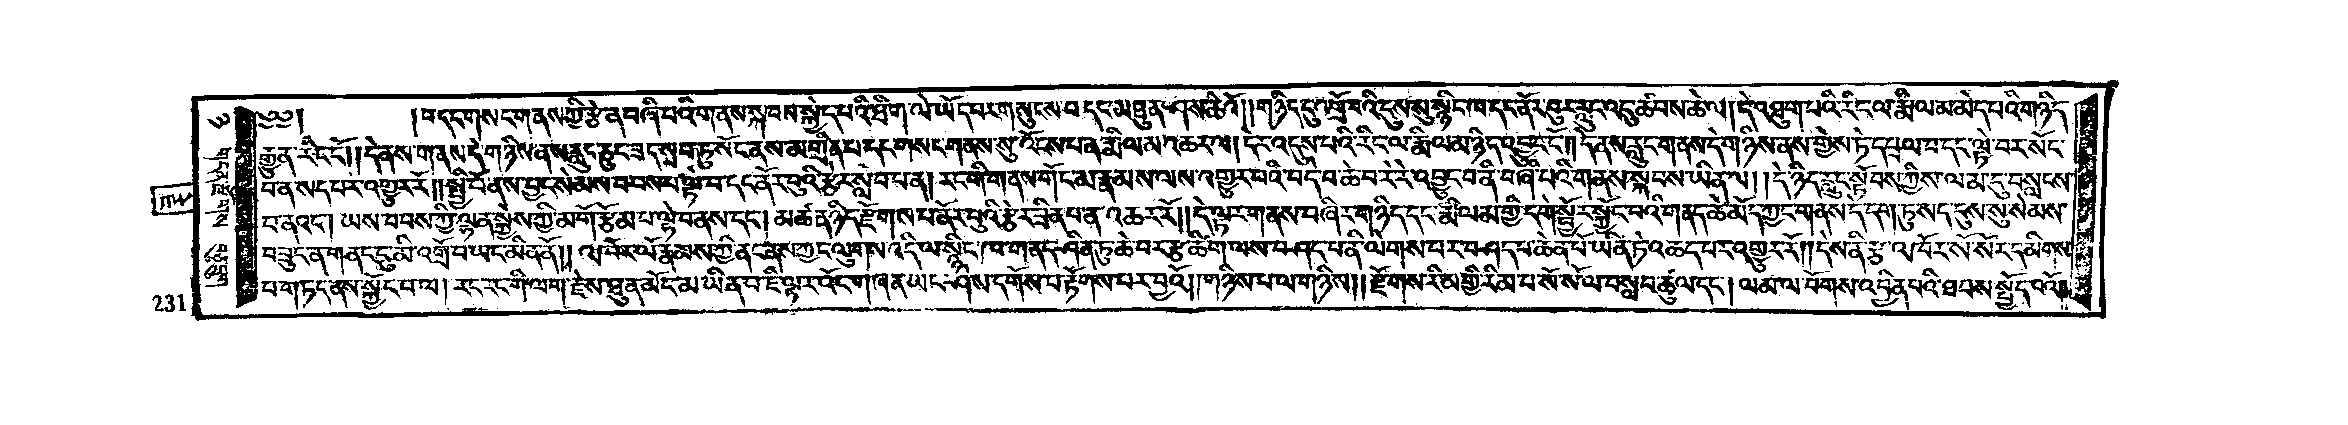༄༅། །བ་དང་གསང་གནས་ཀྱི་རྩེ་ན་བཞི་པའི་གནས་སྐབས་སྐྱེད་པའི་ཐིག་ལེ་ཡོད་པར་གསུངས་པ་དང་མཐུན་ཤས་ཆེའོ། །གཉིད་དུ་འགྲོ་བའི་དུས་སུ་སྙིང་ཁ་དང་ནོར་བུར་རླུང་འདུ་ཚབས་ཆེ་ལ། དེ་འཐུག་པའི་རིང་ལ་རྨི་ལམ་མེད་པའི་གཉིད་
རྒྱུན་རིང་ངོ། །དེ་ནས་གནས་དེ་གཉིས་ནས་རླུང་ཅུང་ཟད་སྲབ་ཏུ་སོང་ནས་མགྲིན་པ་དང་གསང་གནས་སུ་འོངས་པ་ན་རྨི་ལམ་འཆར་ལ། དེར་འདུས་པའི་རིང་ལ་རྨི་ལམ་ཉིད་འབྱུང་ངོ། །དེ་ནས་རླུང་གནས་དེ་གཉིས་ནས་གྱེས་ཏེ་དཔྲལ་བ་དང་ལྟེ་བར་སོང་
བ་ན་སད་པར་འགྱུར་རོ། །སྤྱི་བོ་ནས་བྱང་སེམས་བབས་པ་ལྟེ་བ་དང་ནོར་བུའི་རྩེར་སླེབ་པ་ན། རང་གི་གནས་གོང་མ་རྣམས་ལས་འགྱུར་བའི་བདེ་བ་ཆེ་བ་རེ་རེ་འབྱུང་བ་ནི་བཞི་པའི་གནས་སྐབས་ཡིན་ལ། །དེ་ཉིད་རླུང་སྟོབས་ཀྱིས་ལམ་དུ་བསླངས་
པ་ནའང་། ཡས་བབས་ཀྱི་ལྷན་སྐྱེས་ཀྱི་མགོ་རྩོམ་པ་ལྟེ་བ་ནས་དང་། མཚན་ཉིད་རྫོགས་པ་ནོར་བུའི་རྩེར་ཟིན་པ་ན་འཆར་རོ། །དེ་ལྟར་གནས་བཞིར་གཉིད་དང་རྨི་ལམ་གྱི་དགེ་སྦྱོར་སྐྱོང་བའི་གནད་ཆེ་མོད་ཀྱང་གནས་དེ་དག་ཏུ་སད་དུས་སུ་སེམས་
བཟུང་ན་གནད་དུ་མི་འགྲོ་བ་ཡང་མིན་ནོ། །འཁོར་ལོ་རྣམས་ཀྱི་ནང་ནས་ཀྱང་ལུགས་འདི་ལ་སྙིང་ཁ་གནད་ཤིན་ཏུ་ཆེ་བར་རྩ་ཚིག་ལས་བཤད་པ་ནི་ལེགས་པར་བཤད་པ་ཆེན་པོ་ཡིན་ཏེ་འཆད་པར་འགྱུར་རོ། །དེས་ནི་རྩ་འཁོར་སོ་སོར་དམིགས་
པ་གཏད་ནས་སྐྱོང་བ་ལ། རང་རང་གི་ལག་རྗེས་ཐུན་མོང་མ་ཡིན་པ་ཇི་ལྟར་འོང་གཞན་ཡང་ཤེས་དགོས་པ་རྟོགས་པར་བྱའོ། །གཉིས་པ་ལ་གཉིས། །རྫོགས་རིམ་གྱི་རིམ་པ་སོ་སོ་ལ་བསླབ་ཚུལ་དང་། ལམ་ལ་བོགས་འབྱིན་པའི་ཐབས་སྤྱོད་པའོ།།